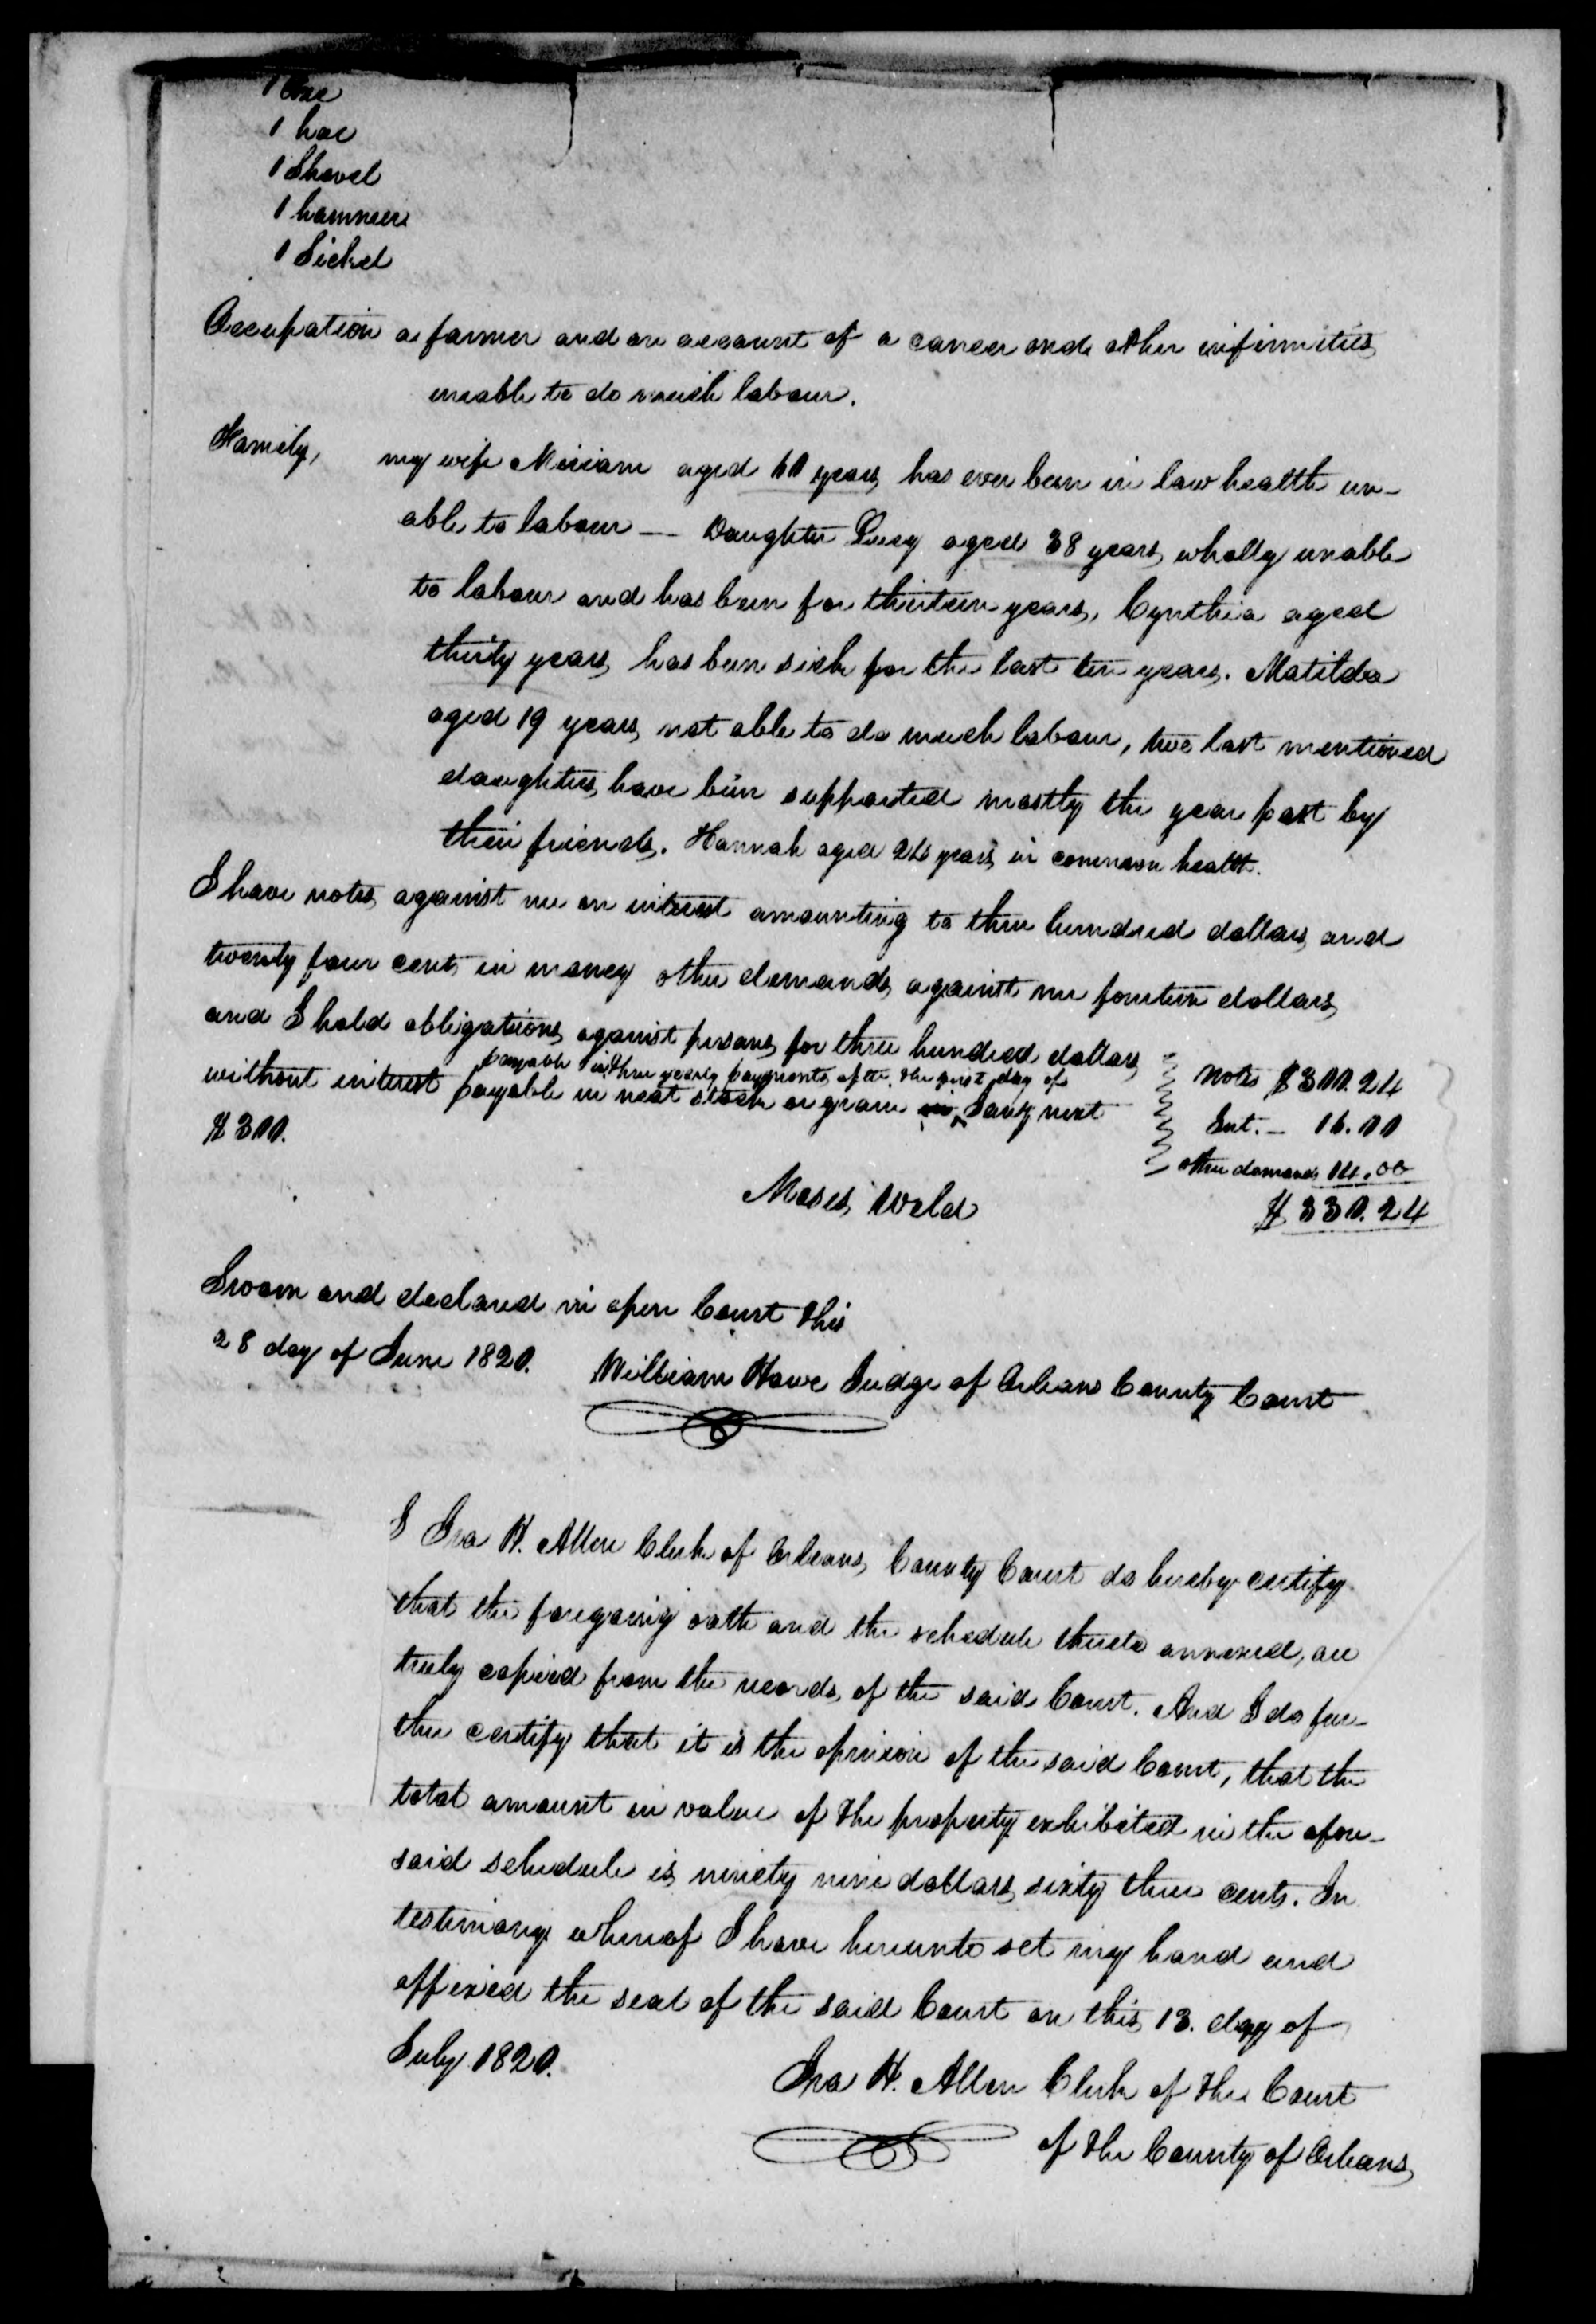1 [?]
1 hoe
1 Shovel
1 hammer
1 Sickel
Occupation  a farmer and on account of a cancer and other infirmities unable to do much labour.
Family,  my wife Miriam aged 60 years has ever been in low health unable to labour - Daughter Lucy aged 38 years wholly unable
to labour and has been for thirteen years, Cynthia aged thirty years has been sick for the last ten years. Matilda aged 19 years, not able to do much labour, two last mentioned
daughters have been supported mostly the year past by their friends. Hannah aged 24 years in common health.
I have notes against me in interest amounting to three hundred dollars, and twenty four cents, in many other demands against me fourteen dollars, and I have obligations against persons for three hundred dollars, without interest, payable in meat stock or grains, ^payable in three yearly payments of the first day of [?] $300.

Notes  $300.24
Int. 16.00
other demands 14.00
$330.24
Moses Weld

Sworn and declared in open Court this
28 day of June 1820.
William Howe Judge of Orleans County Court

I, Ira H Allen Clerk of Orleans, County Court do hereby certify that the foregoing oath and the schedule thereto annexed, are truly copied from the records of the said Court. And I do [for]? [the]? certify that it is the opinion of the said Court, that the total amount in value of the property exhibited in the aforesaid
schedule is ninety nine dollars, sixty three cents. In testimony whereof I have hereunto set my hand and affixed the seal of the said Court on this 13 day of July 1820.
Ira H. Allen Clerk of this Court
of the County of Orleans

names: Miriam, William Howe, Moses Weld, Cynthia, Ira H Allen, Matilda, Hannah, Lucy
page: 11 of 87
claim: widow's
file: W. 25,966, Moses Weld, Mass.